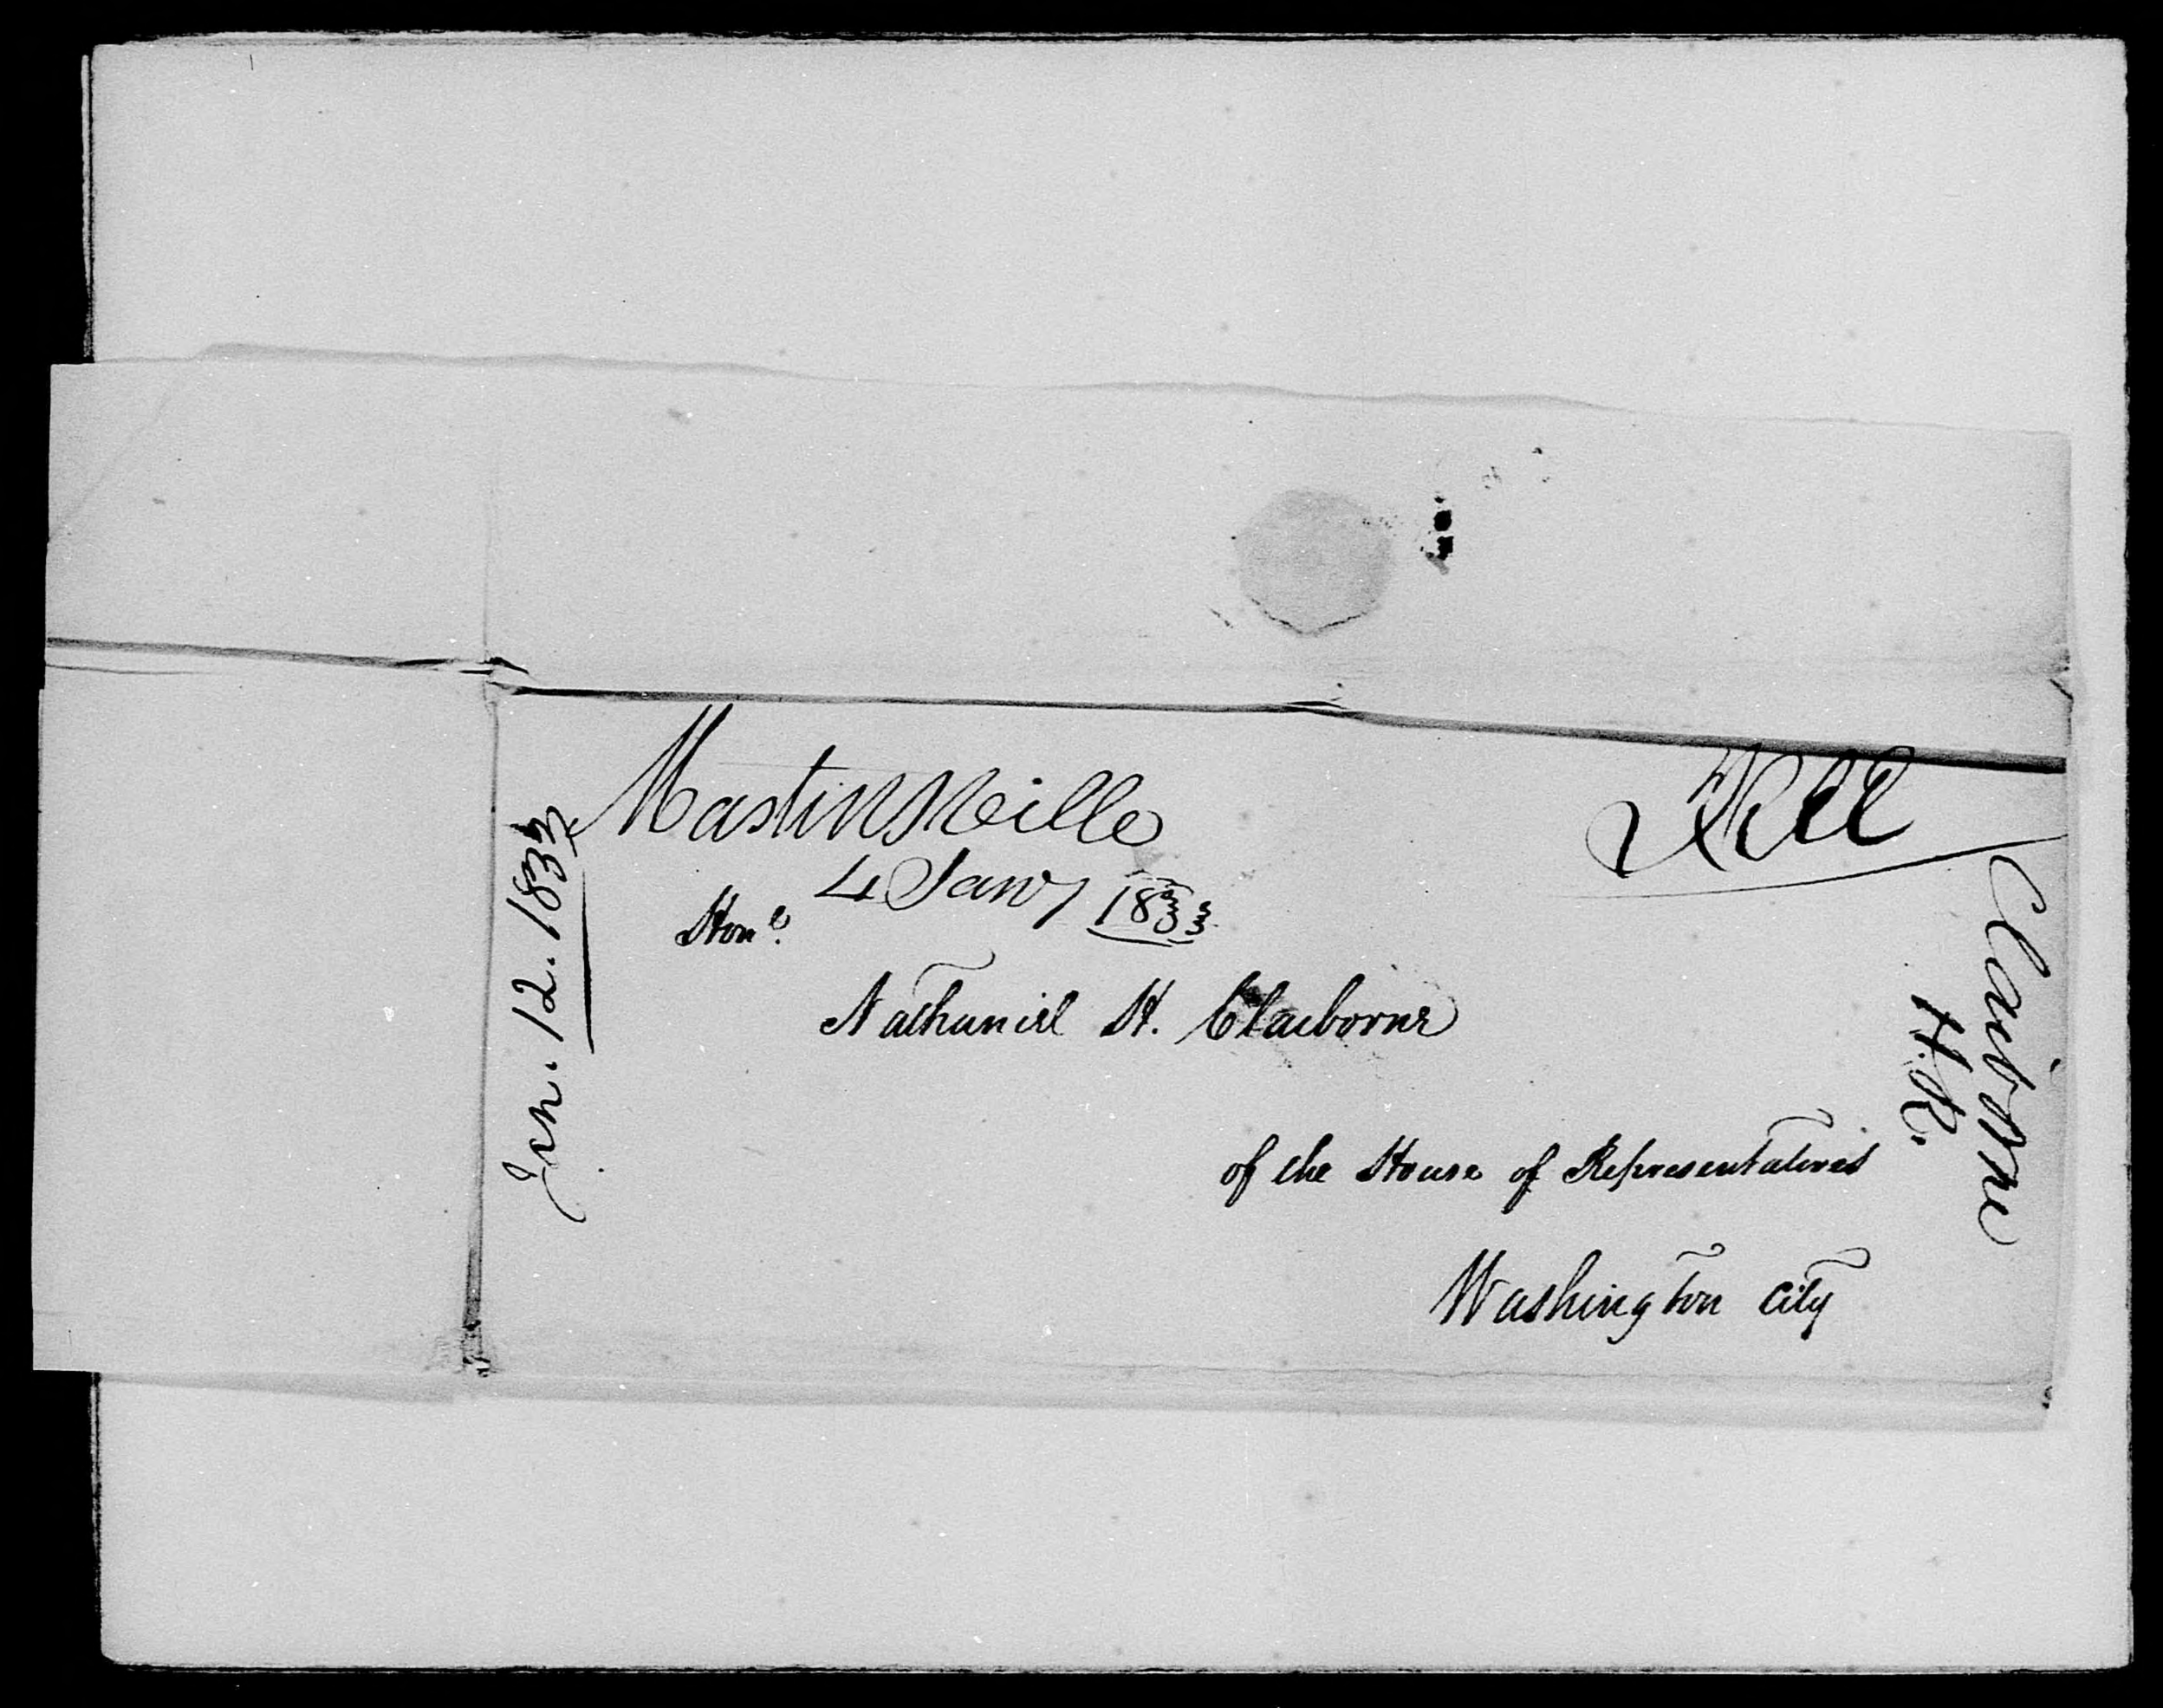Hill
Jan. 12,1833
Martinville
Jan 7 1833
Hon.
Nathaniel H. Claiborne

of the House of Representatives
Washington City
Clairborne H R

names: Claiborne, Nathaniel H Claiborne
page: 13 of 20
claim: survivor's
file: S. 8519, Lewis Franklin, N.C. Va.